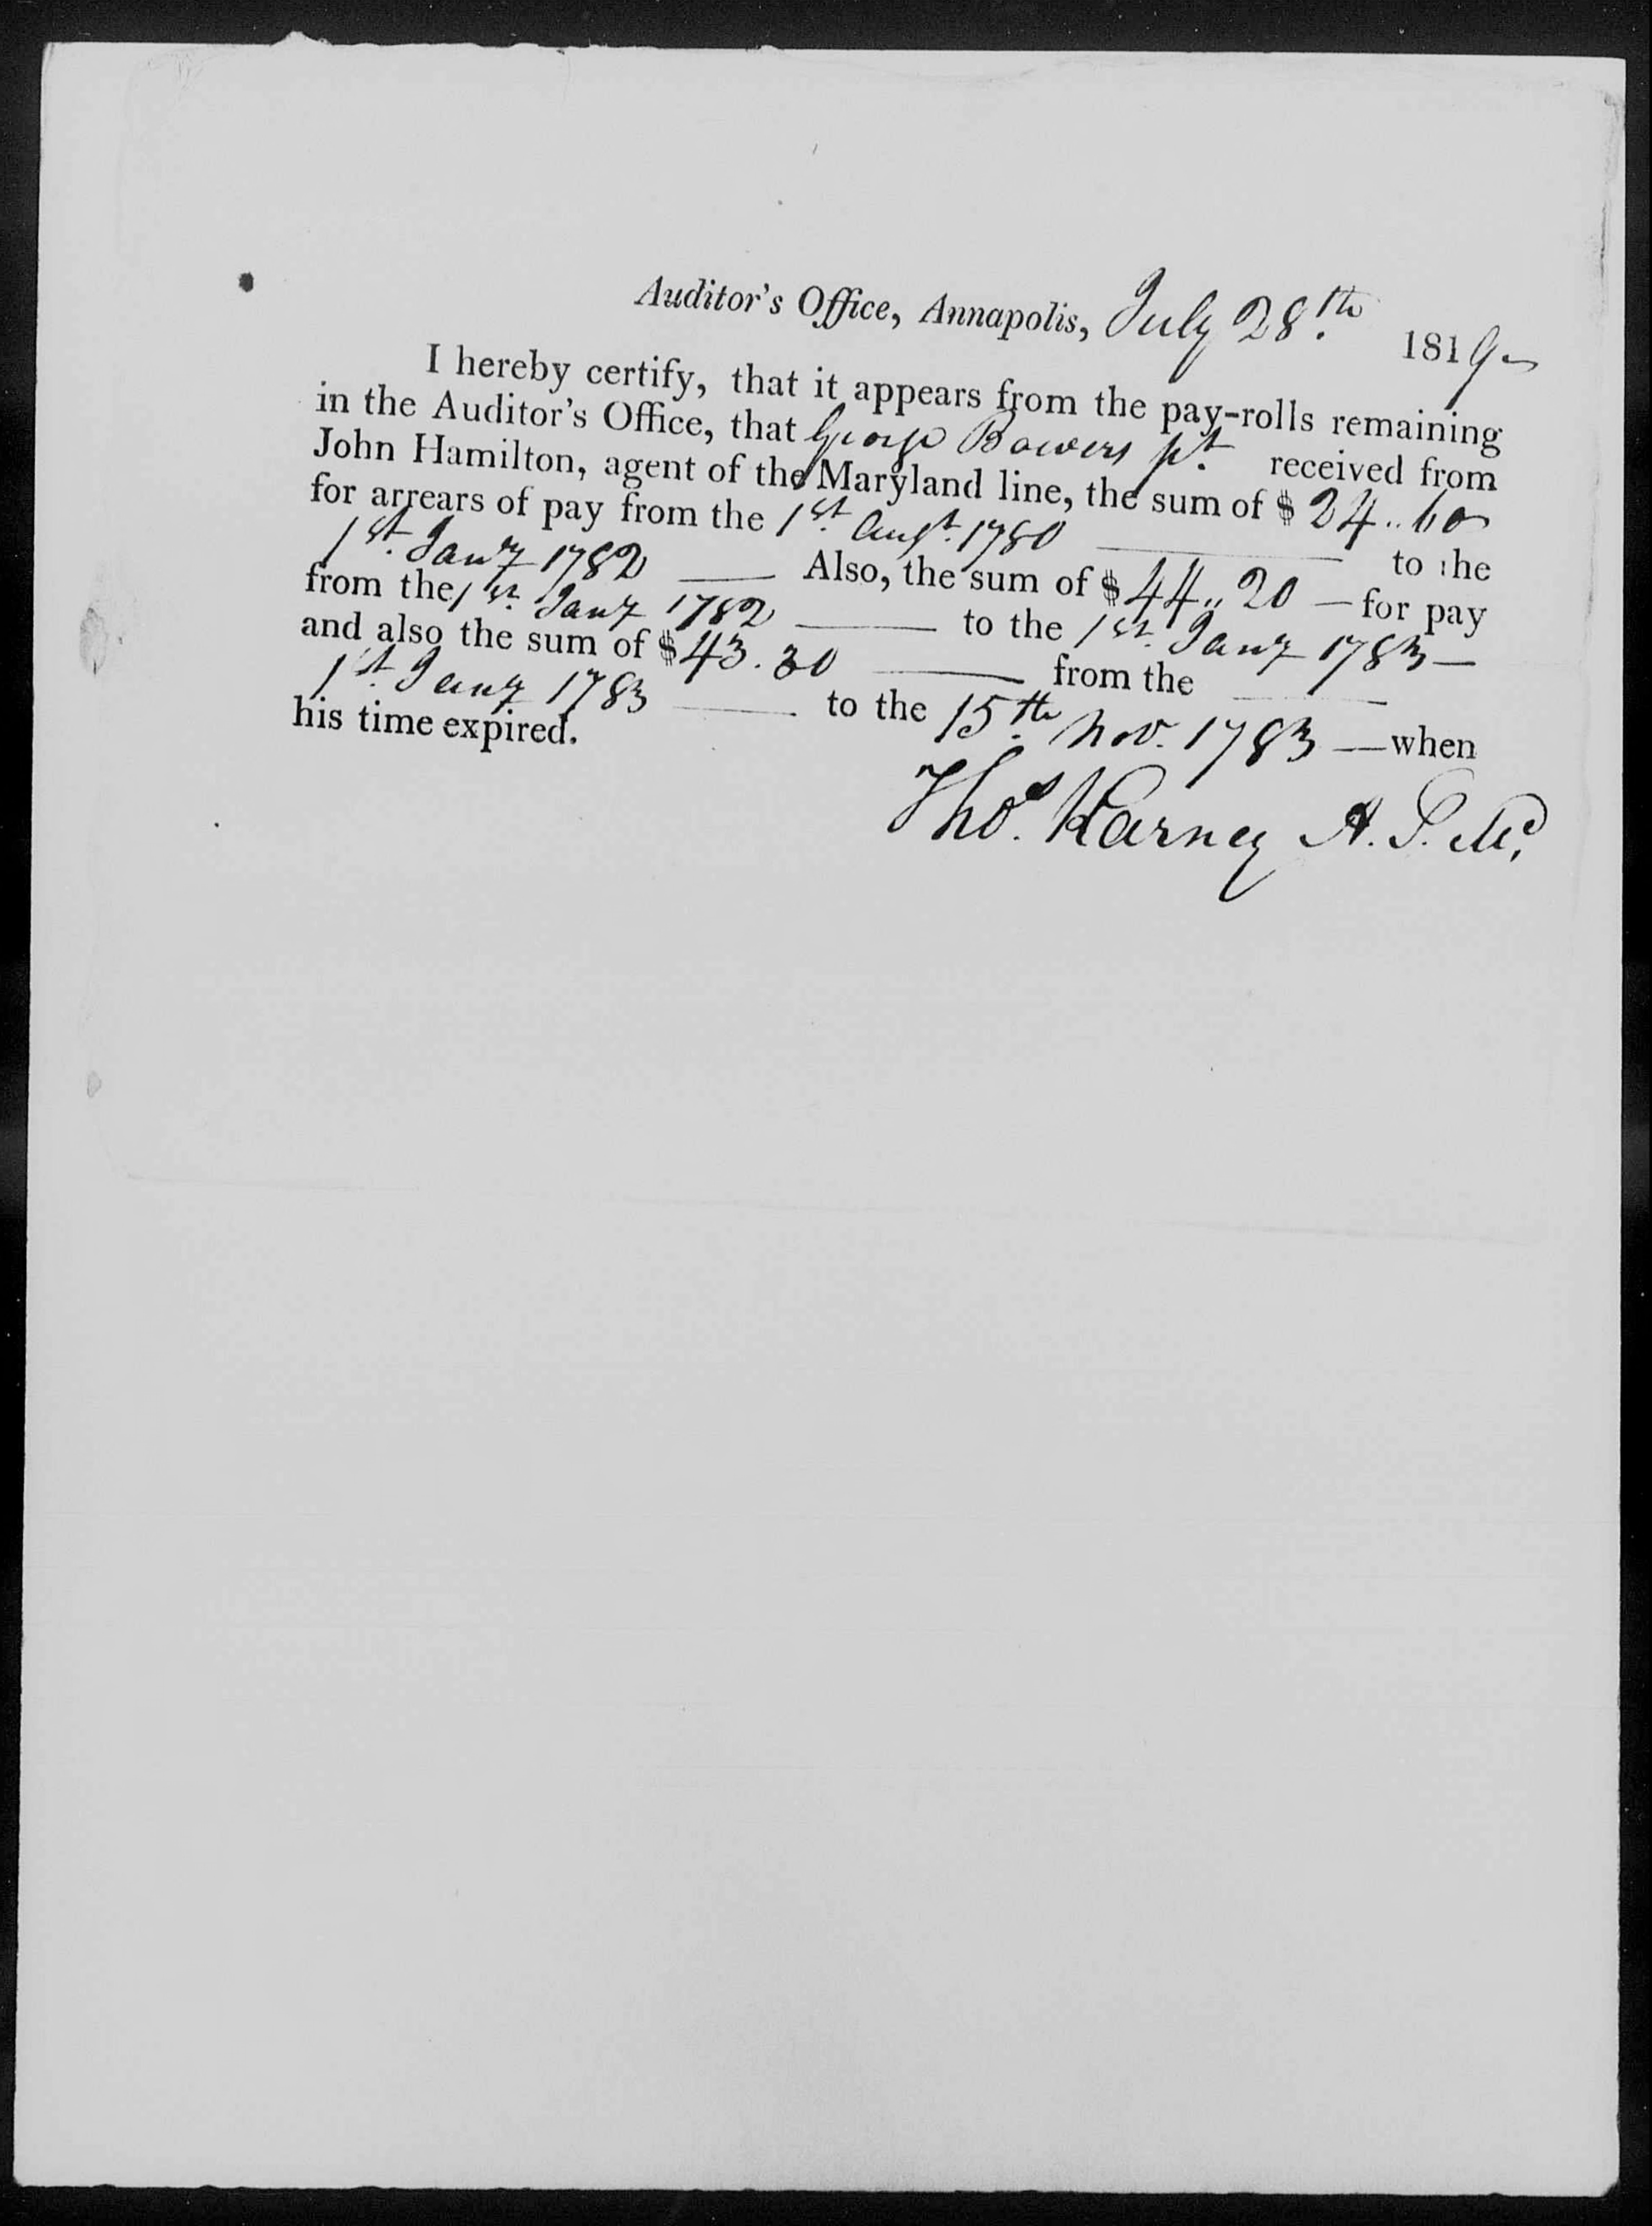[printed form completed in handwriting]

Auditor’s Office, Annapolis, July 28th. 1819 ~

I hereby certify, that it appears from the pay-rolls remaining in the Auditor’s Office, that George Bowers Pt. received from John Hamilton, agent of the Maryland line, the sum of $24.00 for arrears of pay from the 1st Augt. 1780 to the 1st Janry 1789  Also, the sum of $44.20 for pay from the 1st Janry 1782 to the 1st Janry 1783 and also the sum of $43.230 from the 1st Janry 1783 to the 15th Nov. 1783 when his time expired. 

[signed]
Thos. Harney A. S. Md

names: Thos Harvey, George Bowers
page: 12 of 19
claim: survivor's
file: S. 40,018, George Bowers, Md